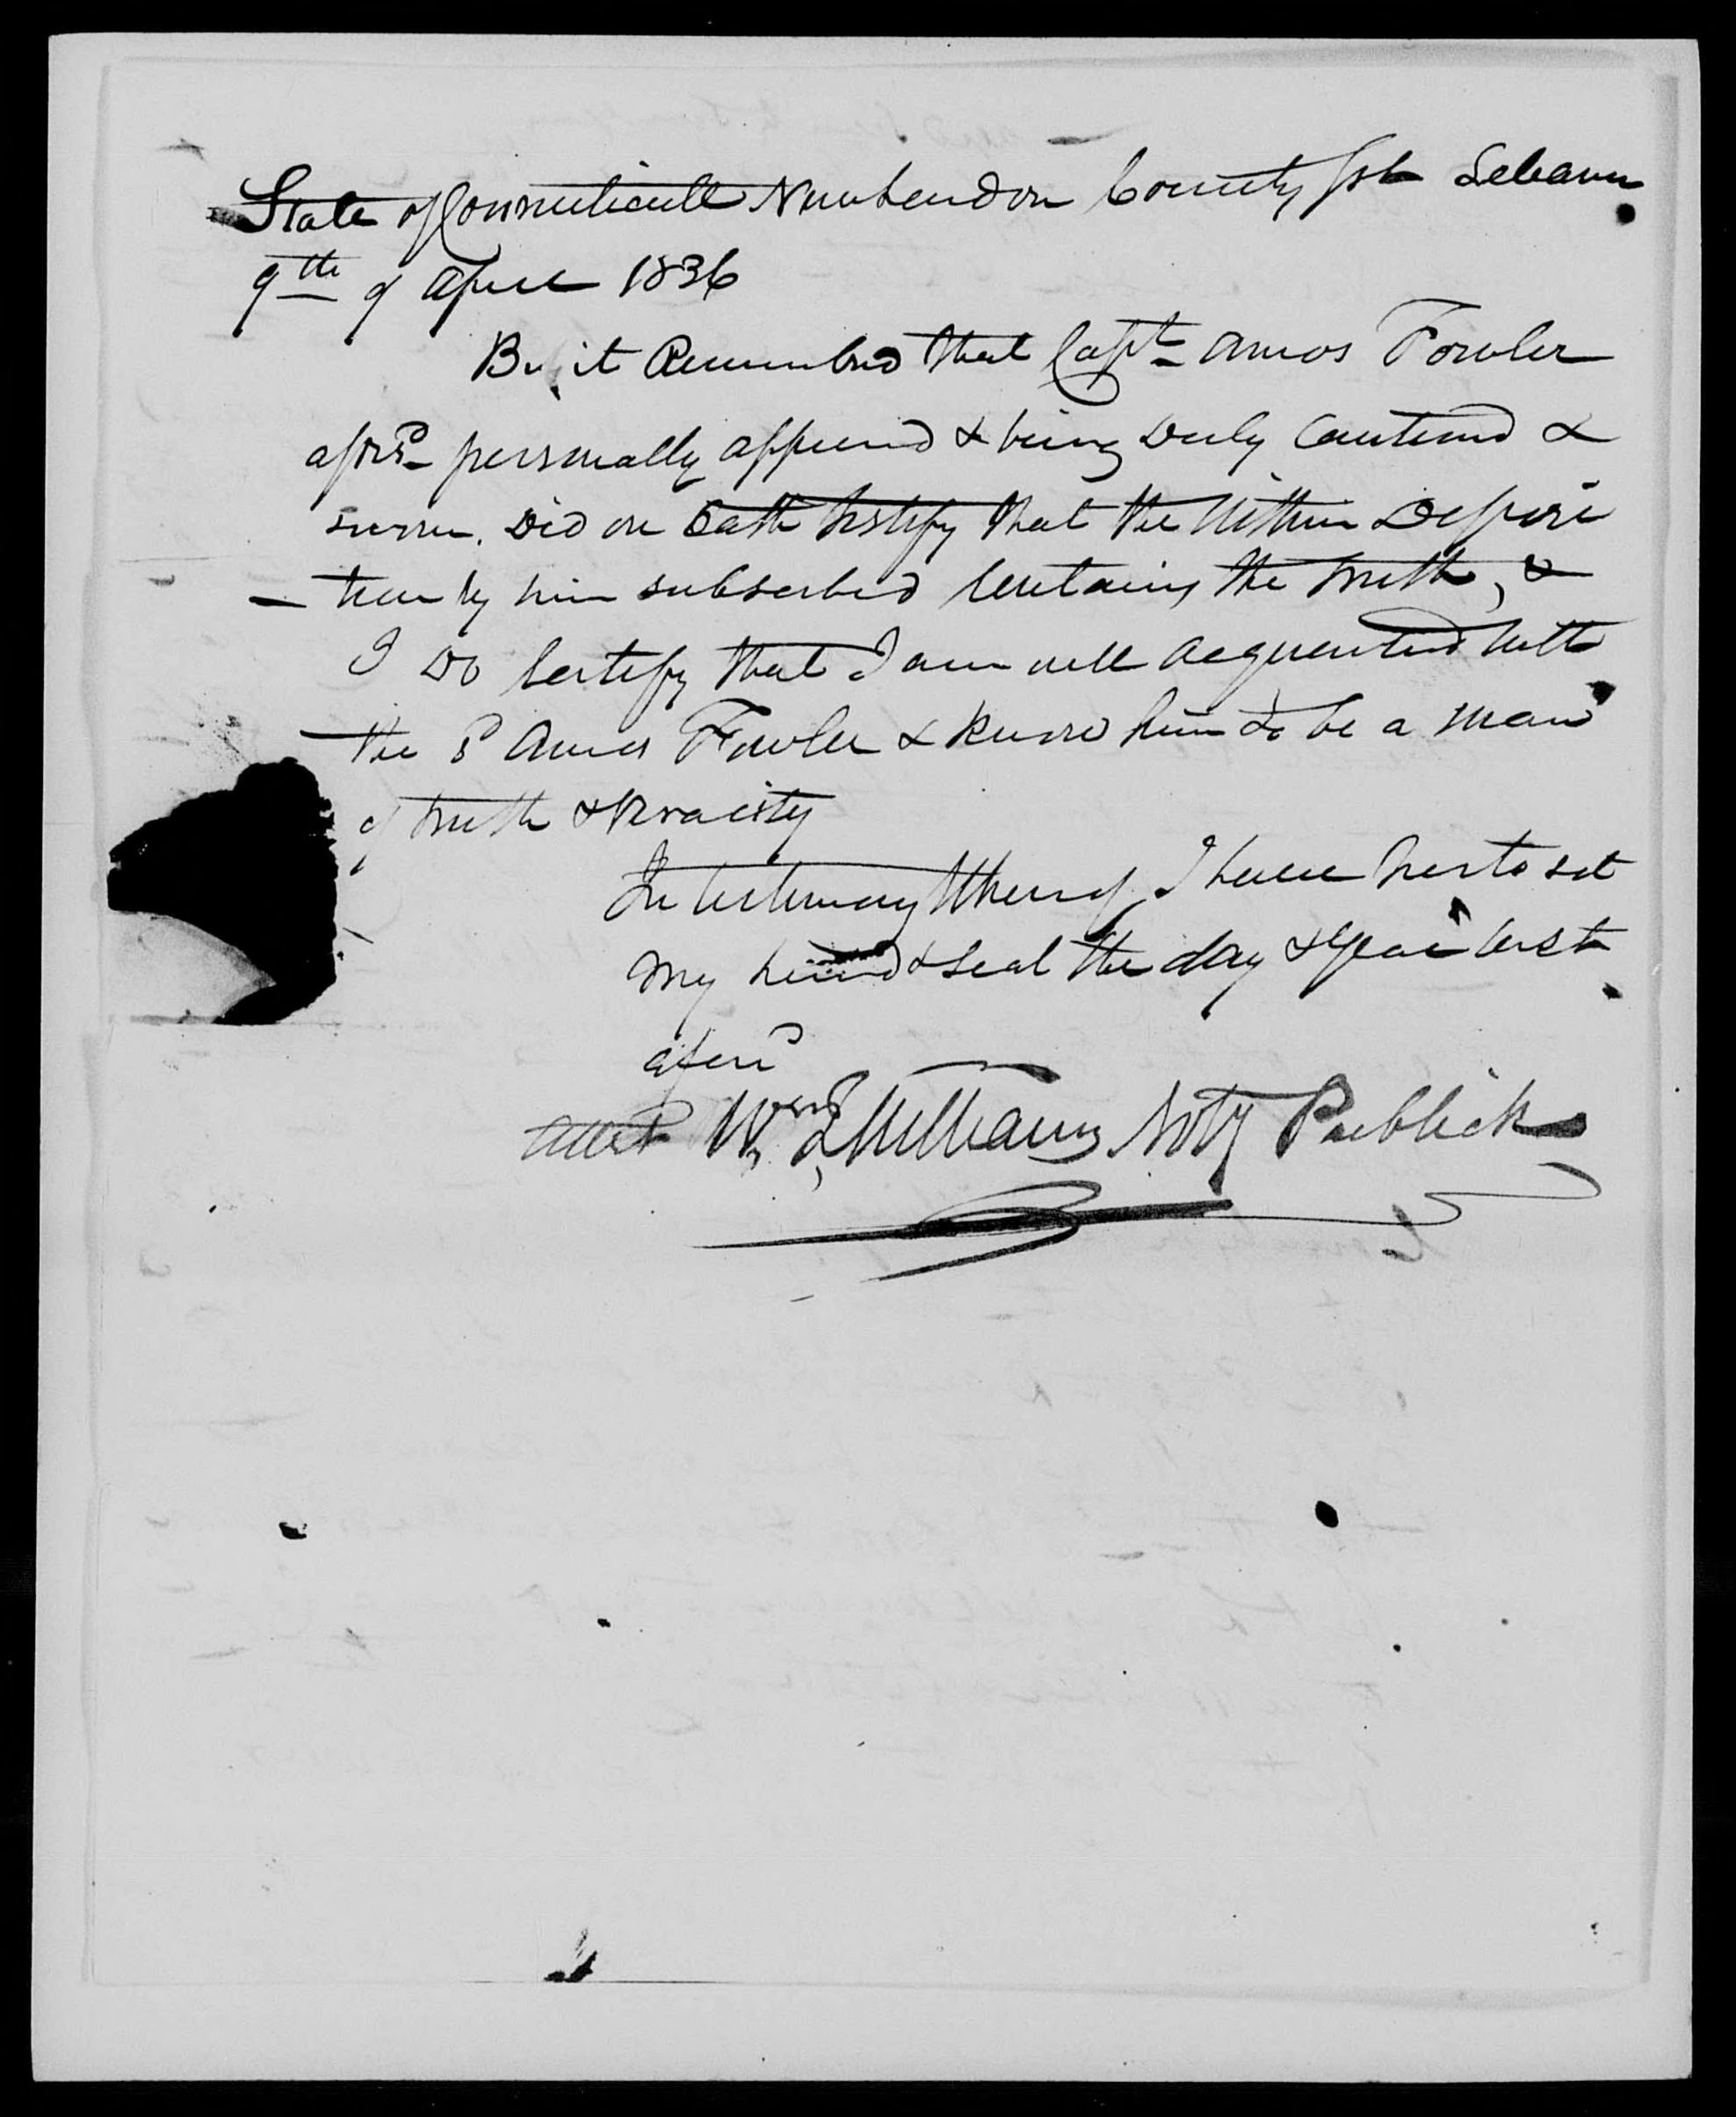State of Connecticut New London County 1st Lebanon
9th of April 1836

Be it remembered that Capt. Amos Fowler aforesaid personally appeared & being duly cautioned & sworn did on oath testify that the within deposition by him subscribed contains the truth & I so certify that I am well acquainted with the said Amos Fowler & know him to be a man of truth & veracity.

In witness thereof I have hereto set my hand & seal the day & year last aforesaid.
Wm. Williams Notary Public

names: Amos Fowler, Amos Fowler, Wm T Williams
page: 40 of 50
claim: survivor's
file: S 10607, Jabez Edwards, Conn.